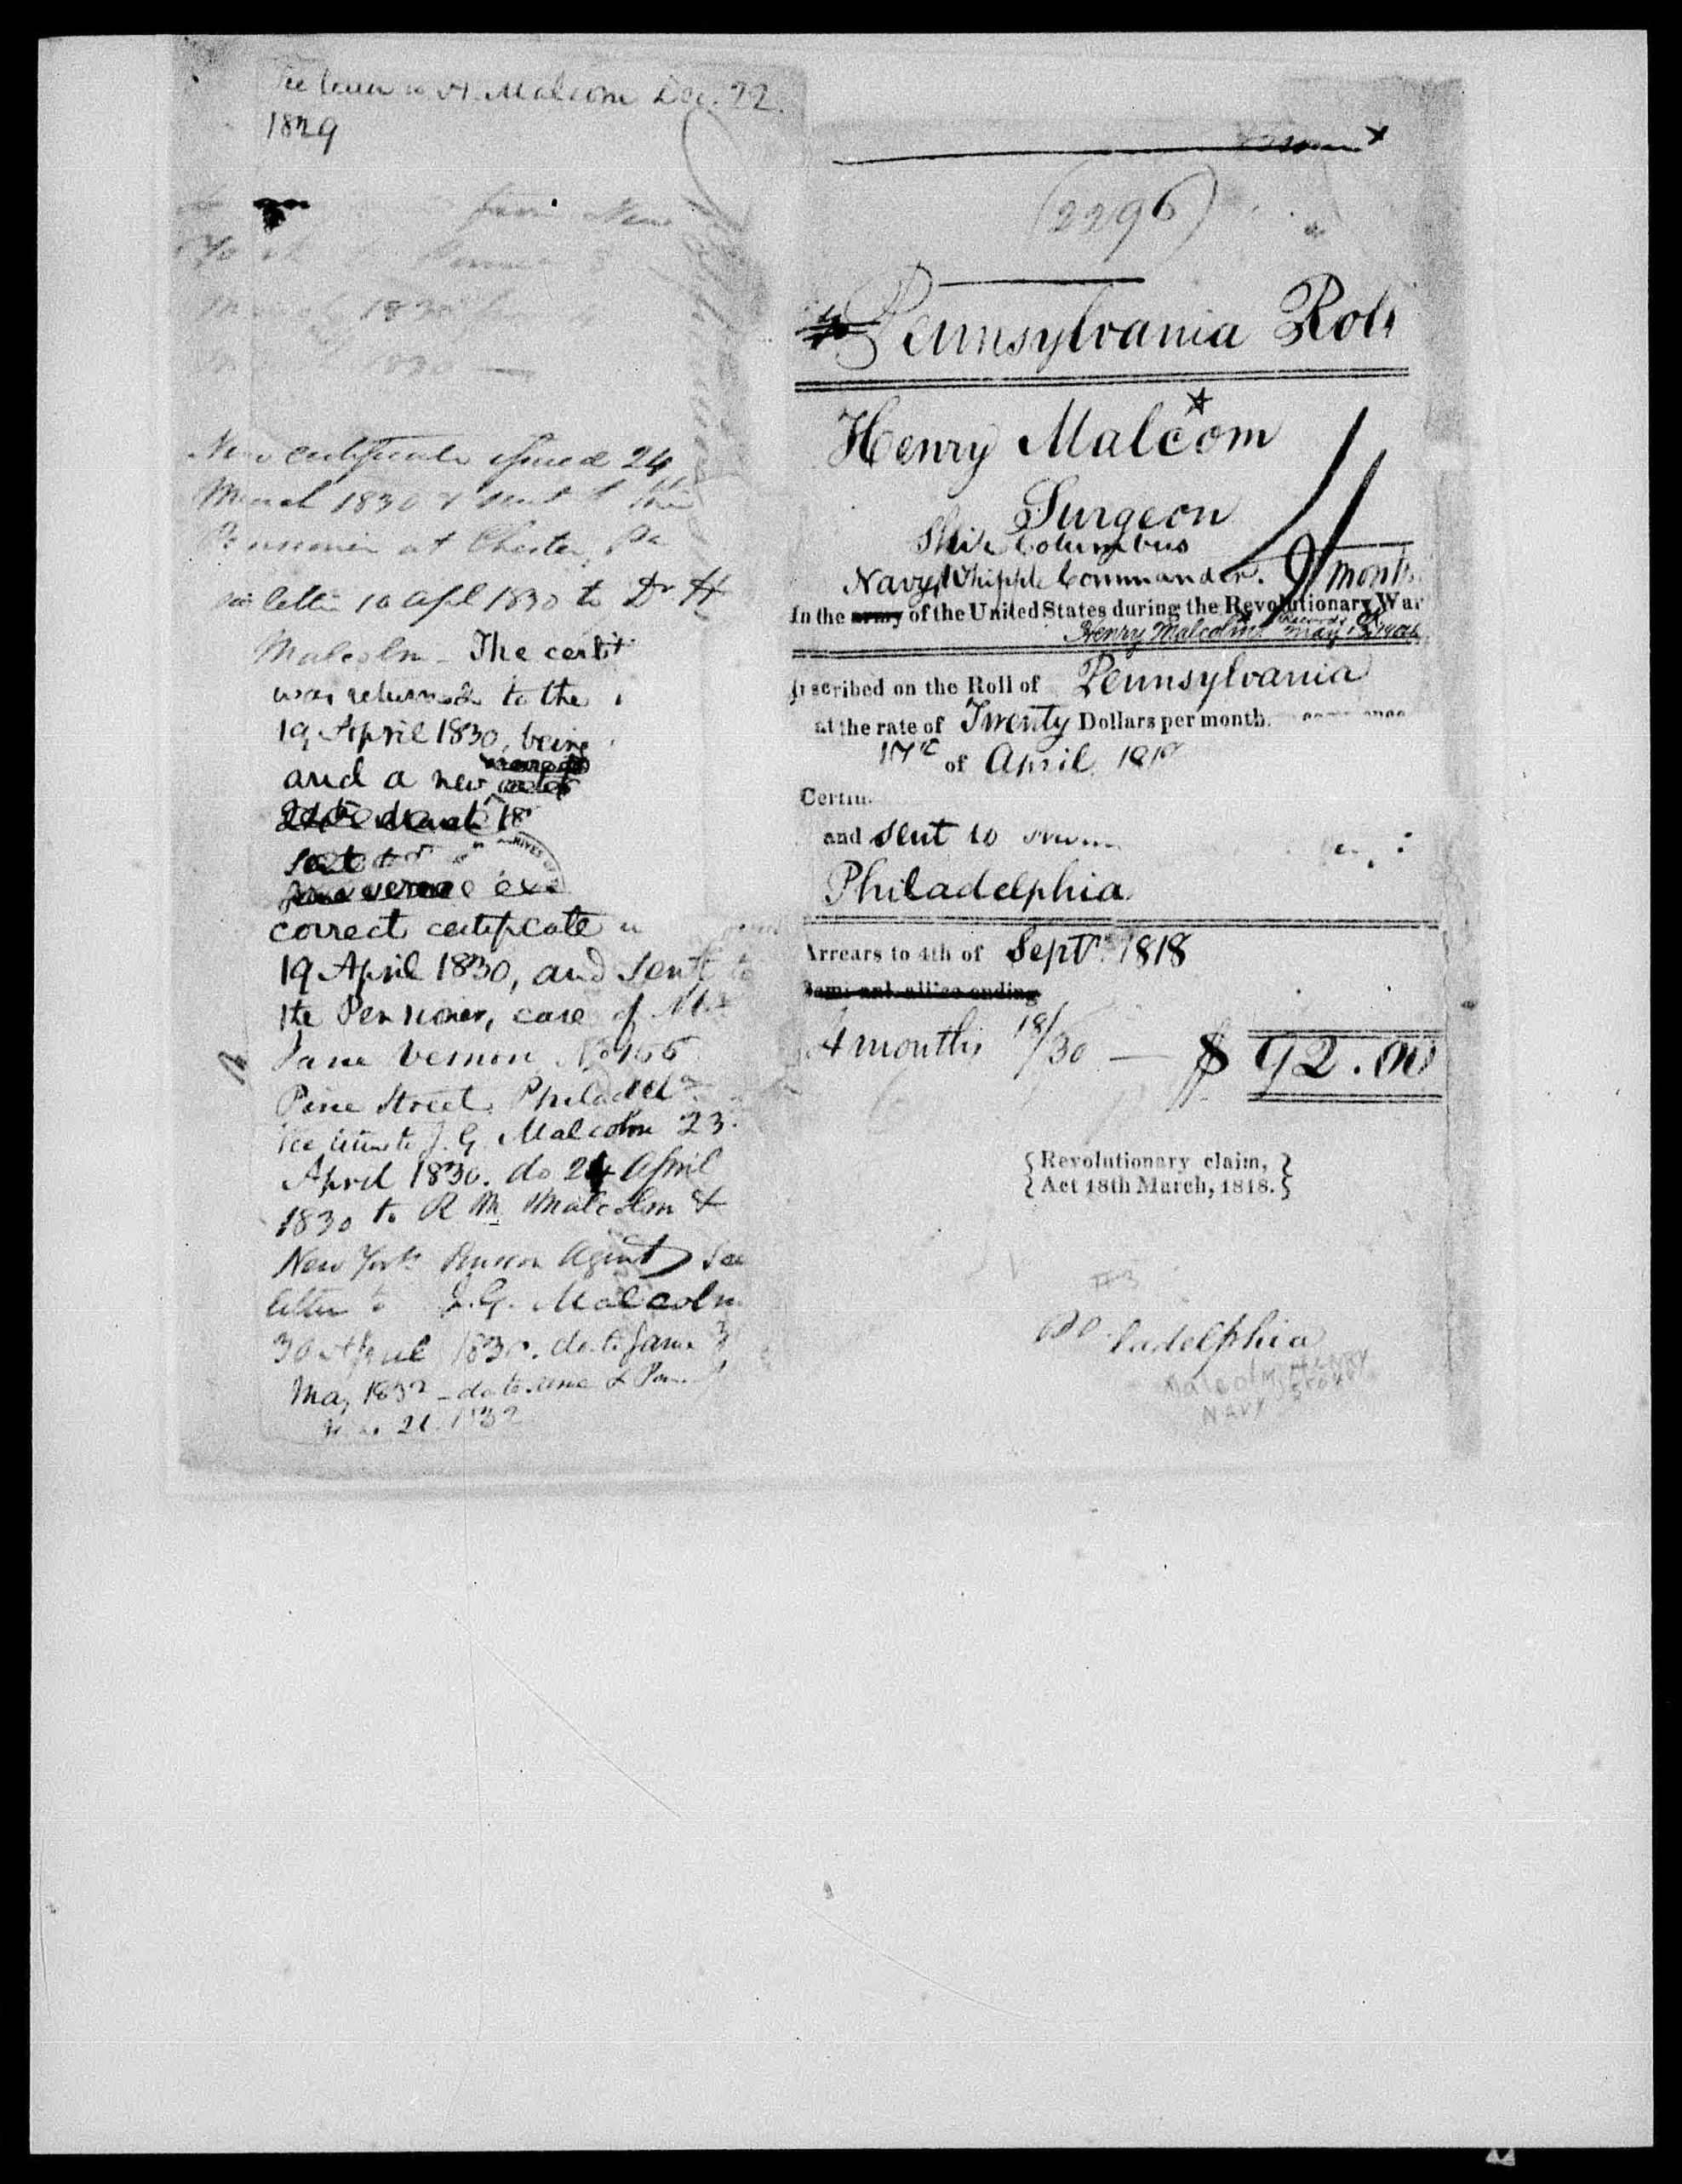return [illegible] H. Malcom Dec. 22 1829

[illegible]

New certificate issued 24 March 1830 & sent to the Pensioner at Chester, Pa

see letter 16 Apl [April] 1830 to Dr H Malcolm. The cert[ificate] was return to the [illegible] was returned to the [illegible] 19 April 1830, being and a new [multiple cross outs] correct certificate  [illegible] 19 April 1830, and sent to the Pensioner, care of Mrs Jane Vernon No 155 Pine Street Philadela [Philadelphia] 
See letter to J. G. Malcolm 23 April 1830. do 24 April 1830 to R. M. Malcolm & New York Pension Agent see Letter to J. G. Malcolm 30 April 1830. do to [illegible] May 1832 - do to same & [illegible] 21, 1832
Albert J. G. Malcolm

(2296)
Pennsylvania Roll

Henry Malcom [black star above name] Surgeon Ship Columbus Navy Whipple Commander 9 months In the army of the United States during the Revolutionary War 
Henry Malcolm Records OK May 13, [illegible]

Inscribed on the Roll of Pennsylvania at the rate of Twenty Dollars per month. [illegible] 
17th of April 1819
Certif[icate] [illegible] and sent to [illegible] Philadelphia

Arrears to 4th of Sept. 1818
4 months 18/30 $92.00

{Revolutionary claim, Act 18th March, 1818.}
Philadelphia

Malcolm, Henry 
NAVY
[multiple illegible scribbles]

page: 2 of 28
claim: survivor's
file: S. 5,048, for Henry Malcolm